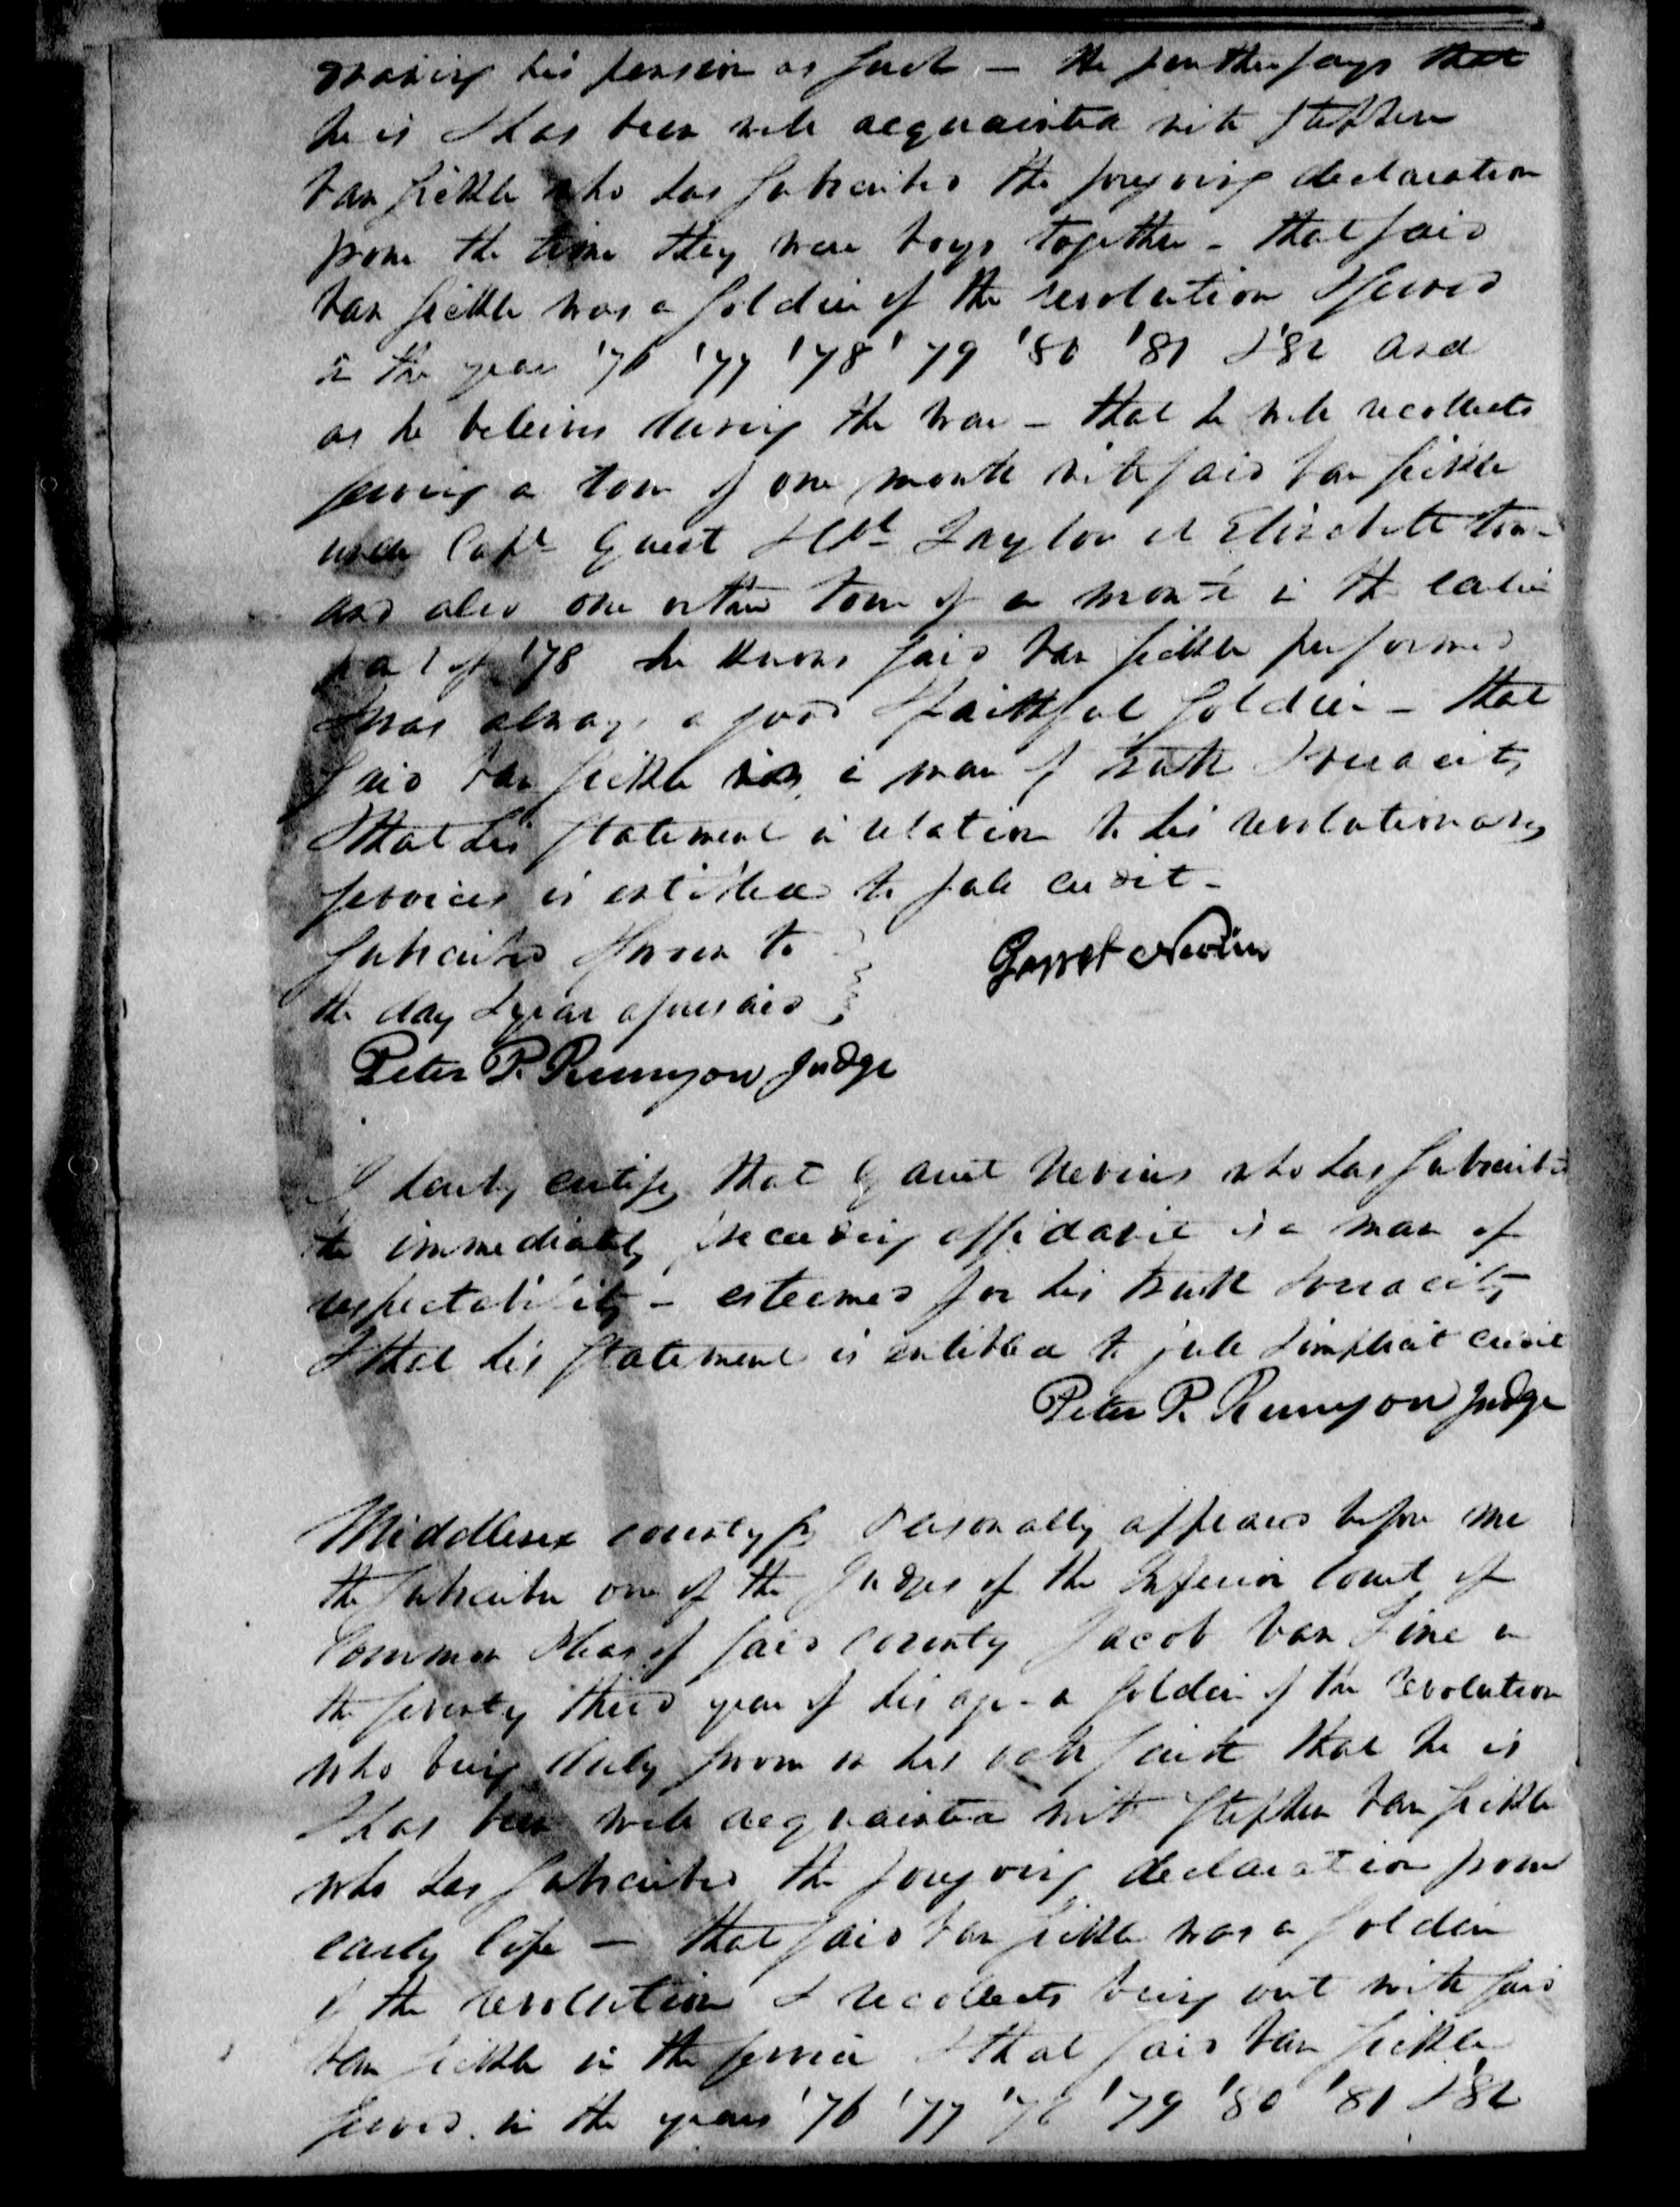having his pension as such. He further says that
his has been well acquainted with Stephen Van Sickle who has subscribed the pregoing declaration
from the time they were boys together - that said
in the year 1776
177 17879180 81 282 and
as he believes having the war - that he recollects
serving a tow of one month with said far fittle
and also one other tour of a man in the late
of 1778 he knows said her in performed
was also a good faithful soldier that
is
he is a man of that city
that his
statement in relation to his revolutionary
services is entitled to credit.
Sarah Ann to
aforesaid
Garret Nevin
my
Peter P. Penson Judge
hereby certify that at Nevins who has submit
to immediatly
receding affidavit is a man of
respectability esteemed for his tak nacity
that his statement is entitled to full that it
Peter P. Runyon Judge
Middlesex County by personally appeared before me
the State one of the Judges of the deferior Court of
Common Pleas of said County, Jacob Van Fine a
the seventy third year of his age a soldier of the revolution
who being duly sworn on his oath saith that he is
that he well acquainted with Stephen harrell
who has subscribed the foregoing declaration from
early life that said for it was a soldier
of the Revolution I recollects being out with said
on file in the service that said war file
served in the year 176 77 1779 80 81184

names: Peter P Runyon, Van Sickle, Garret Nevins, Van Sickle, Van Sickle, Garret Nevins, Van Sickle, Gerret, Jacob Van Tine, Van Sickle, Taylor, Van Sickle, Peter P Runyon, Van Sickle, Stephen Van Sickle, Stephen Van Sickle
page: 10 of 12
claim: survivor's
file: S. 1136, Stephen Van Sickle, New Jersey